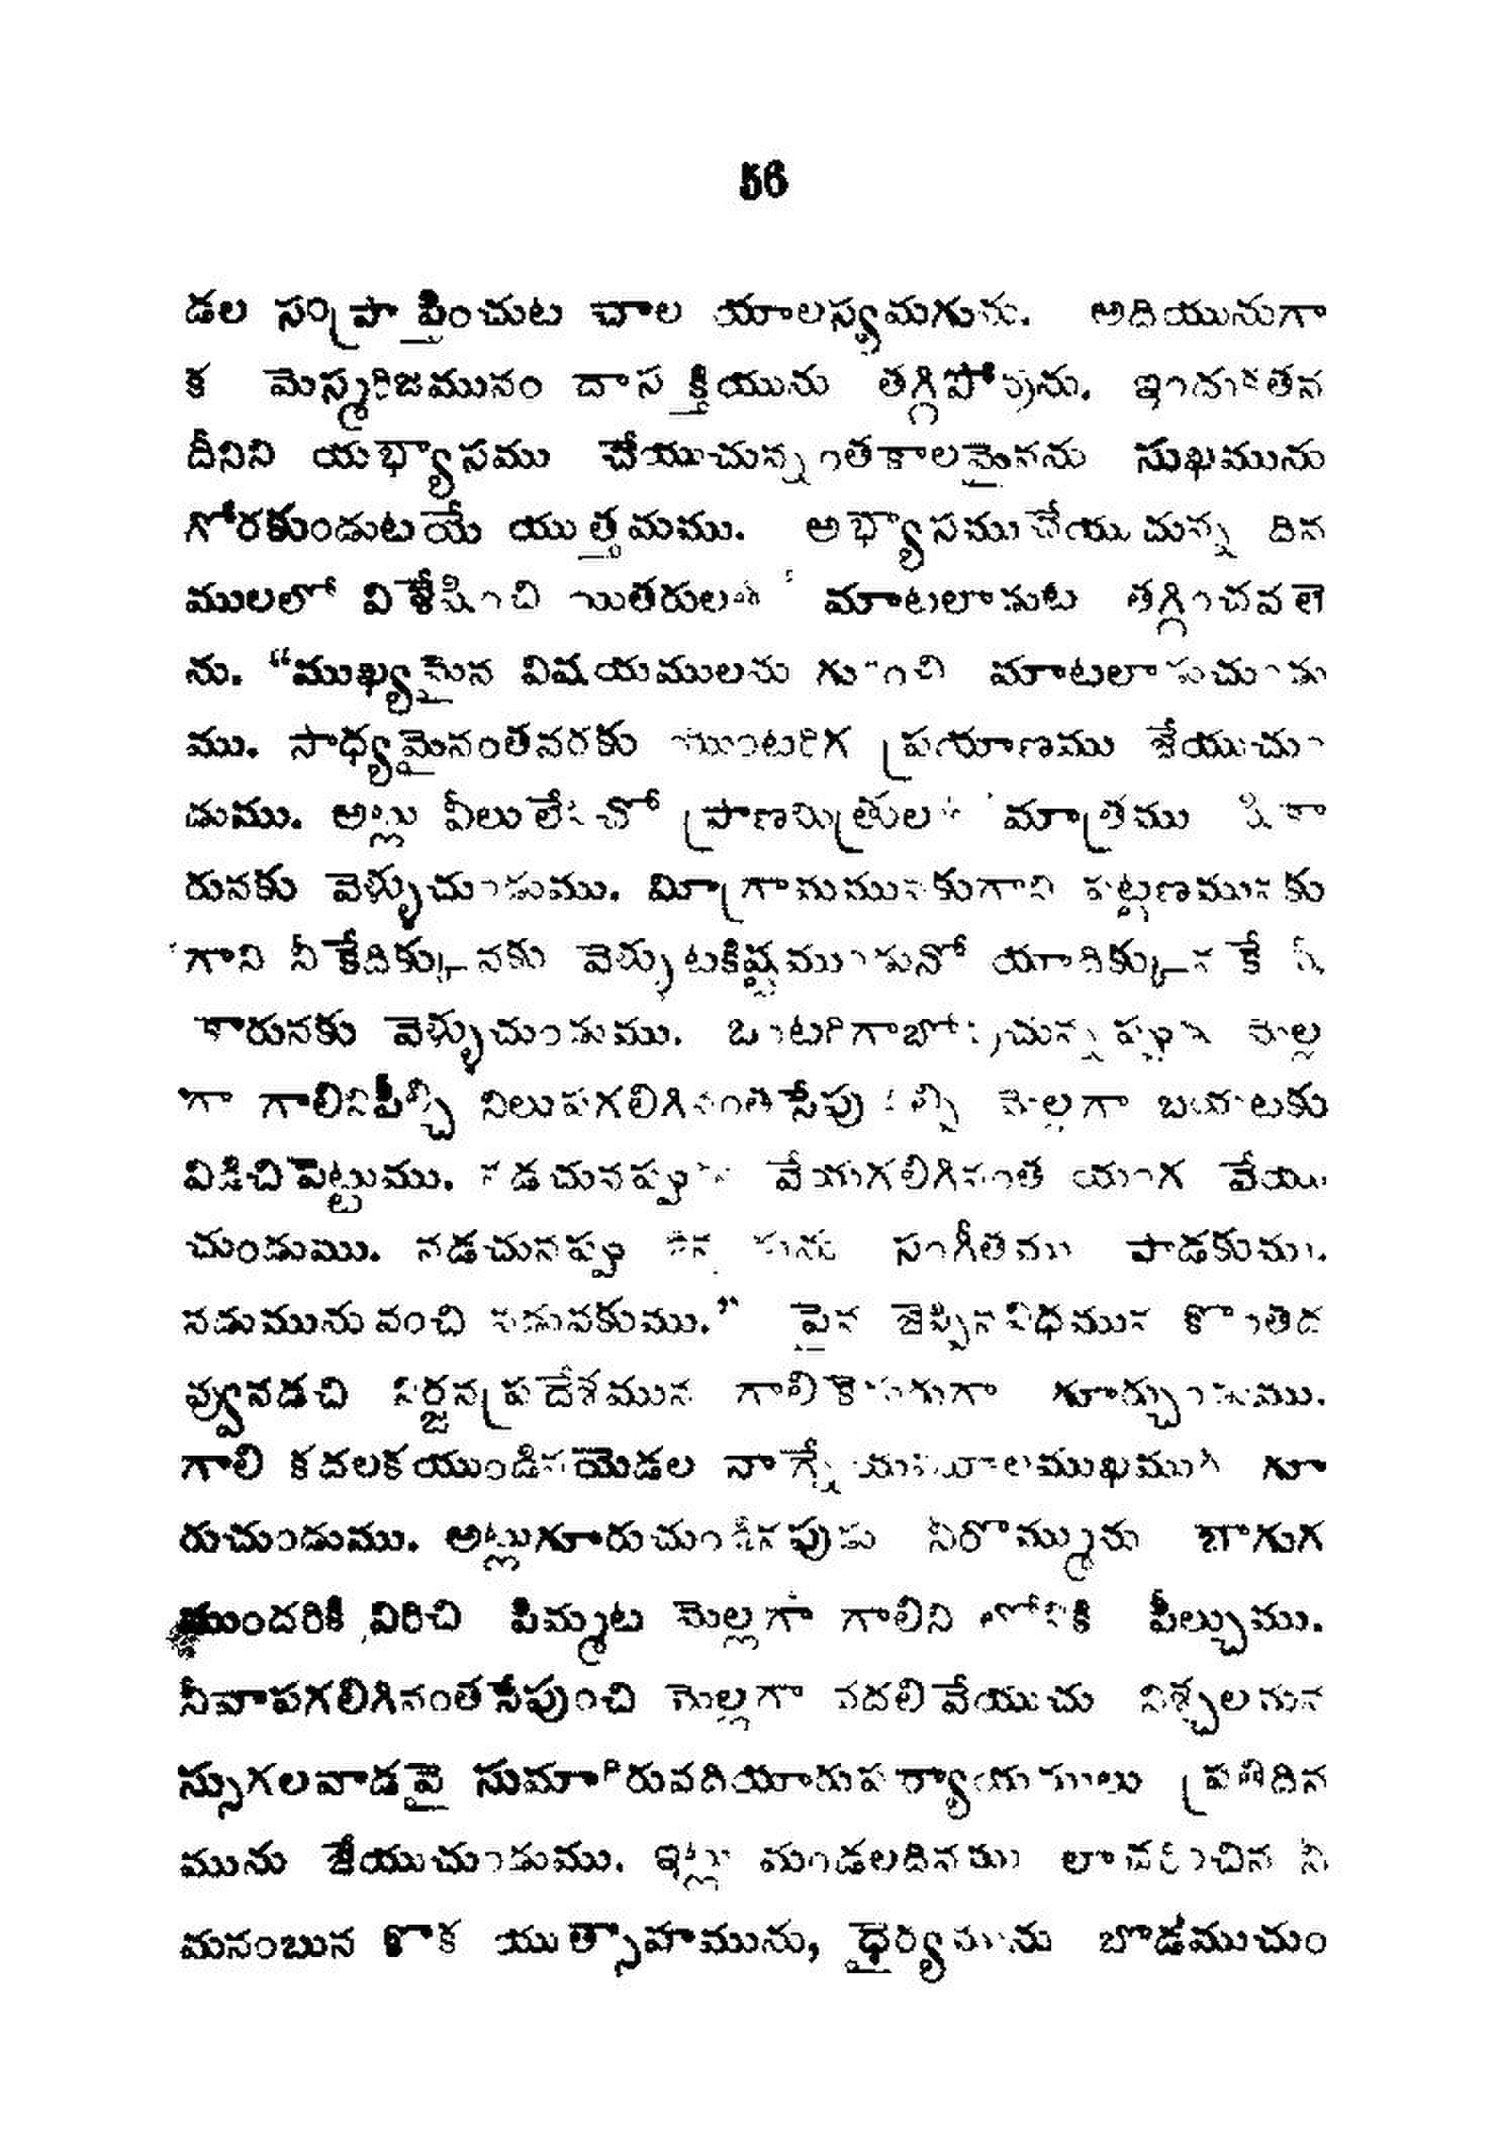డల సంప్రాప్తించుట చాల యాలస్యమగును. అదియునుగాక మెస్మరిజమునం దాసక్తియును తగ్గిపోవును. ఇందుకతన దీనిని యభ్యాసము చేయుచున్నంతకాలమైనను సుఖమును
గోరకుండుటయే యుత్తమము. అభ్యాసముచేయుచున్న దినములలో విశేషించి యితరులతో మాటలాడుట తగ్గించవలెను. “ముఖ్యమైన విషయములను గురించి మాటలాడుచుండుము. సాధ్యమైనంతవరకు యొంటరిగ ప్రయాణము జేయుచుండుము. అట్లు వీలులేనిచో ప్రాణమిత్రులతో మాత్రము షికారునకు వెళ్ళుచుండుము. మీగ్రామమునకుగాని పట్టణమునకు గాని నీకేదిక్కు నకు వెళ్ళుటకిష్టముండునో యాదిక్కునకే షికారునకు వెళ్ళుచుండుము. ఒంటరిగాబోవుచున్నపుడు మెల్లగా గాలినిపీల్చి నిలుపగలిగినంతసేపు నిల్పి మెల్లగా బయటకు విడిచిపెట్టుము. నడచునప్పుడు వేయగలిగినంత యంగ వేయుచుండుము. నడచునప్పు డెన్నడును సంగీతము పాడకుము'.
నడుమునువంచి నడువకుము." పైన జెప్పినవిధమున కొంతదవ్వునడచి నిర్జనప్రదేశమున గాలికెదురుగా కూర్చుండుము. గాలి కదలకయుండినయెడల నాగ్నేయమూలముఖము గూరుచుండుము. అట్లుగూరుచుండినపుడు నీరొమ్మును బాగుగ ముందరికి విరిచి పిమ్మట మెల్లగా గాలిని లోనికి పీల్చుము. నీవాపగలిగినంతసేపుంచి మెల్లగా వదలివేయుచు నిశ్చలమనస్సుగలవాడవై సుమారిరువదియారుపర్యాయములు ప్రతిదినమును జేయుచుండుము. ఇట్లు మండలదినము లాచరించిన నీ మనంబున కొక యుత్సాహమును, ధైర్యమును బొడముచుం